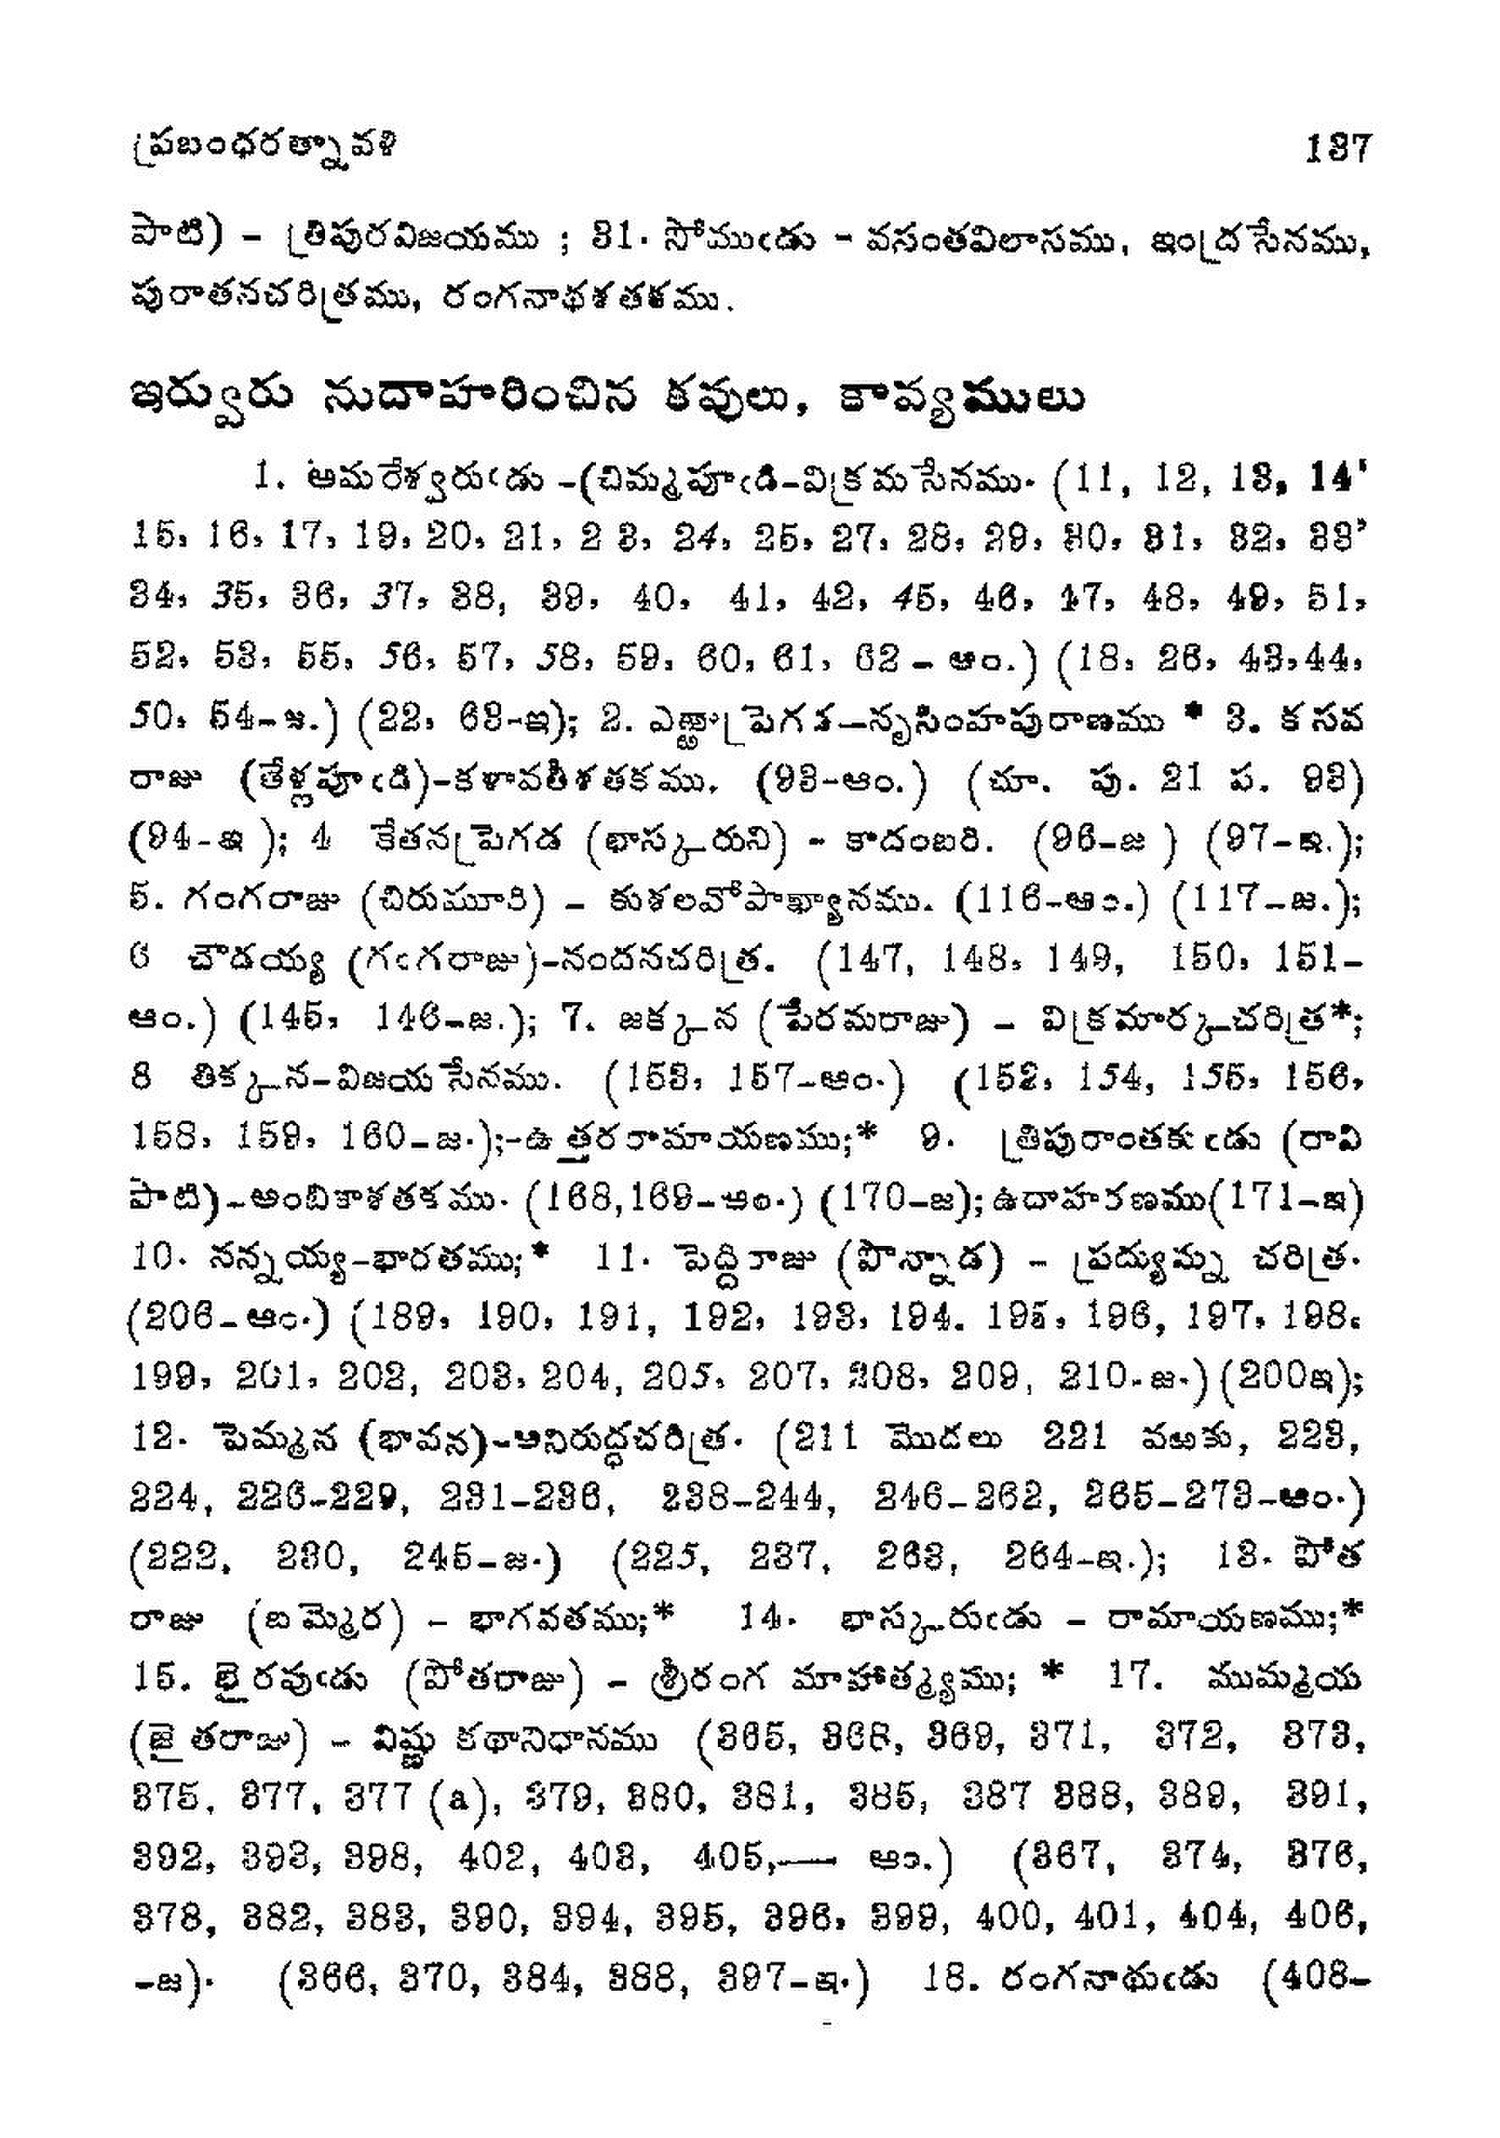-

పాటి) - త్రిపుర విజయము ; 81. సోముఁడు వసంతవిలాసము, ఇంద్రసేనము,
పురాతనచరిత్రము, రంగనాథశతళము.
ఇర్వురు నుదాహరించిన కవులు, కావ్యములు
1. అమరేశ్వరుఁడు -(చిమ్మపూడి-విక్రమ సేనము • (11, 12, 18, 14'
15, 16, 17, 19, 20, 21, 28, 24, 25, 27, 28, 29, 30, 31, 82, 89'
34, 35, 36, 37, 38, 39, 40, 41, 42, 45, 46, 17, 48, 49, 51,
52. 58, 56, 58, 57, 58, 58, 80, 81, 62 - ఆం.) (18, 28, 48, 44,
50. 54- జ.) (22, 88-2); 2. ఎఱ్ఱ పెగవ-నృసింహపురాణము • 8. కసవ
(తేళ్లపూఁడి)-కళావతి శతకము. (88-ఆం.) (చూ. పు. 21 ప.
(04 - 2 ); 4. కేతనపైగడ (భాస్కరుని) - కాదంబరి. (88-జ ) (97-5.);
5. గంగరాజు (చిరుమూర్తి) - కుశలవోపాఖ్యానము. (118 ఆ 9.) (117-జ.);
6 చౌడయ్య (గంగరాజు )-నందనచరిత్ర. (147, 148, 149, 150, 151-
ఆం.) (146, 146-జ.); 7. జక్కన ( పేరమరాజు) - విక్రమార్క చరిత్ర *;
8 తిక్కన-విజయ సేనము. (168, 157-ఆం) (152, 154, 156, 158,
158, 158, 180_ జ.); ఉత్తర రామాయణము;* 2. త్రిపురాంతకుడు (రావి
పాటి)-అంబికాశతకము. (188, 189-90.) (170-జ); ఉదాహరణము(171-2)
10. సన్నయ్య-భారతము; * 11. పెద్దీ రాజు (పొన్నాడ) - ప్రద్యుమ్న చరిత్ర,
(208-4c.) (189, 190, 191, 192, 193, 194. 195, 196, 197, 1986
199, 201, 202, 208, 204, 205, 207, 208, 209, 210. జ.) (2002);
12. పెమ్మన (భావన)- అనిరుద్ధ చరిత్ర. (211 మొడలు 221 వఱకు, 228,
224, 225-229, 291-286, 238-244, 246-282, 285-273-60.)
(222, 280, 246- జ.) (225, 287, 288, 264-ఇ.); 18. పోత
రాజు (బమ్మెర) - భాగవతము;* 14. భాస్కరుఁడు - రామాయణము;*
15. భైరవుఁడు (పోతరాజు) - శ్రీరంగ మాహాత్మ్యము; * 17. ముమ్మయ
(జై తరాజు) - విష్ణు కథానిధానము (886, 8GB, 888, 871, 72, 878,
875, 877, 377 (a), 379, 880, 381, 385, 387 388, 389, 391,
992, 883, 998, 402, 408, 406, -- 33.) (887, 874, 878,
378, 882, 388, 380, 994, 395, 388, 398, 400, 401, 104, 108,
-జ). (888, 870, 884, 888, 887-9.) 18. రంగనాథుఁడు (408-